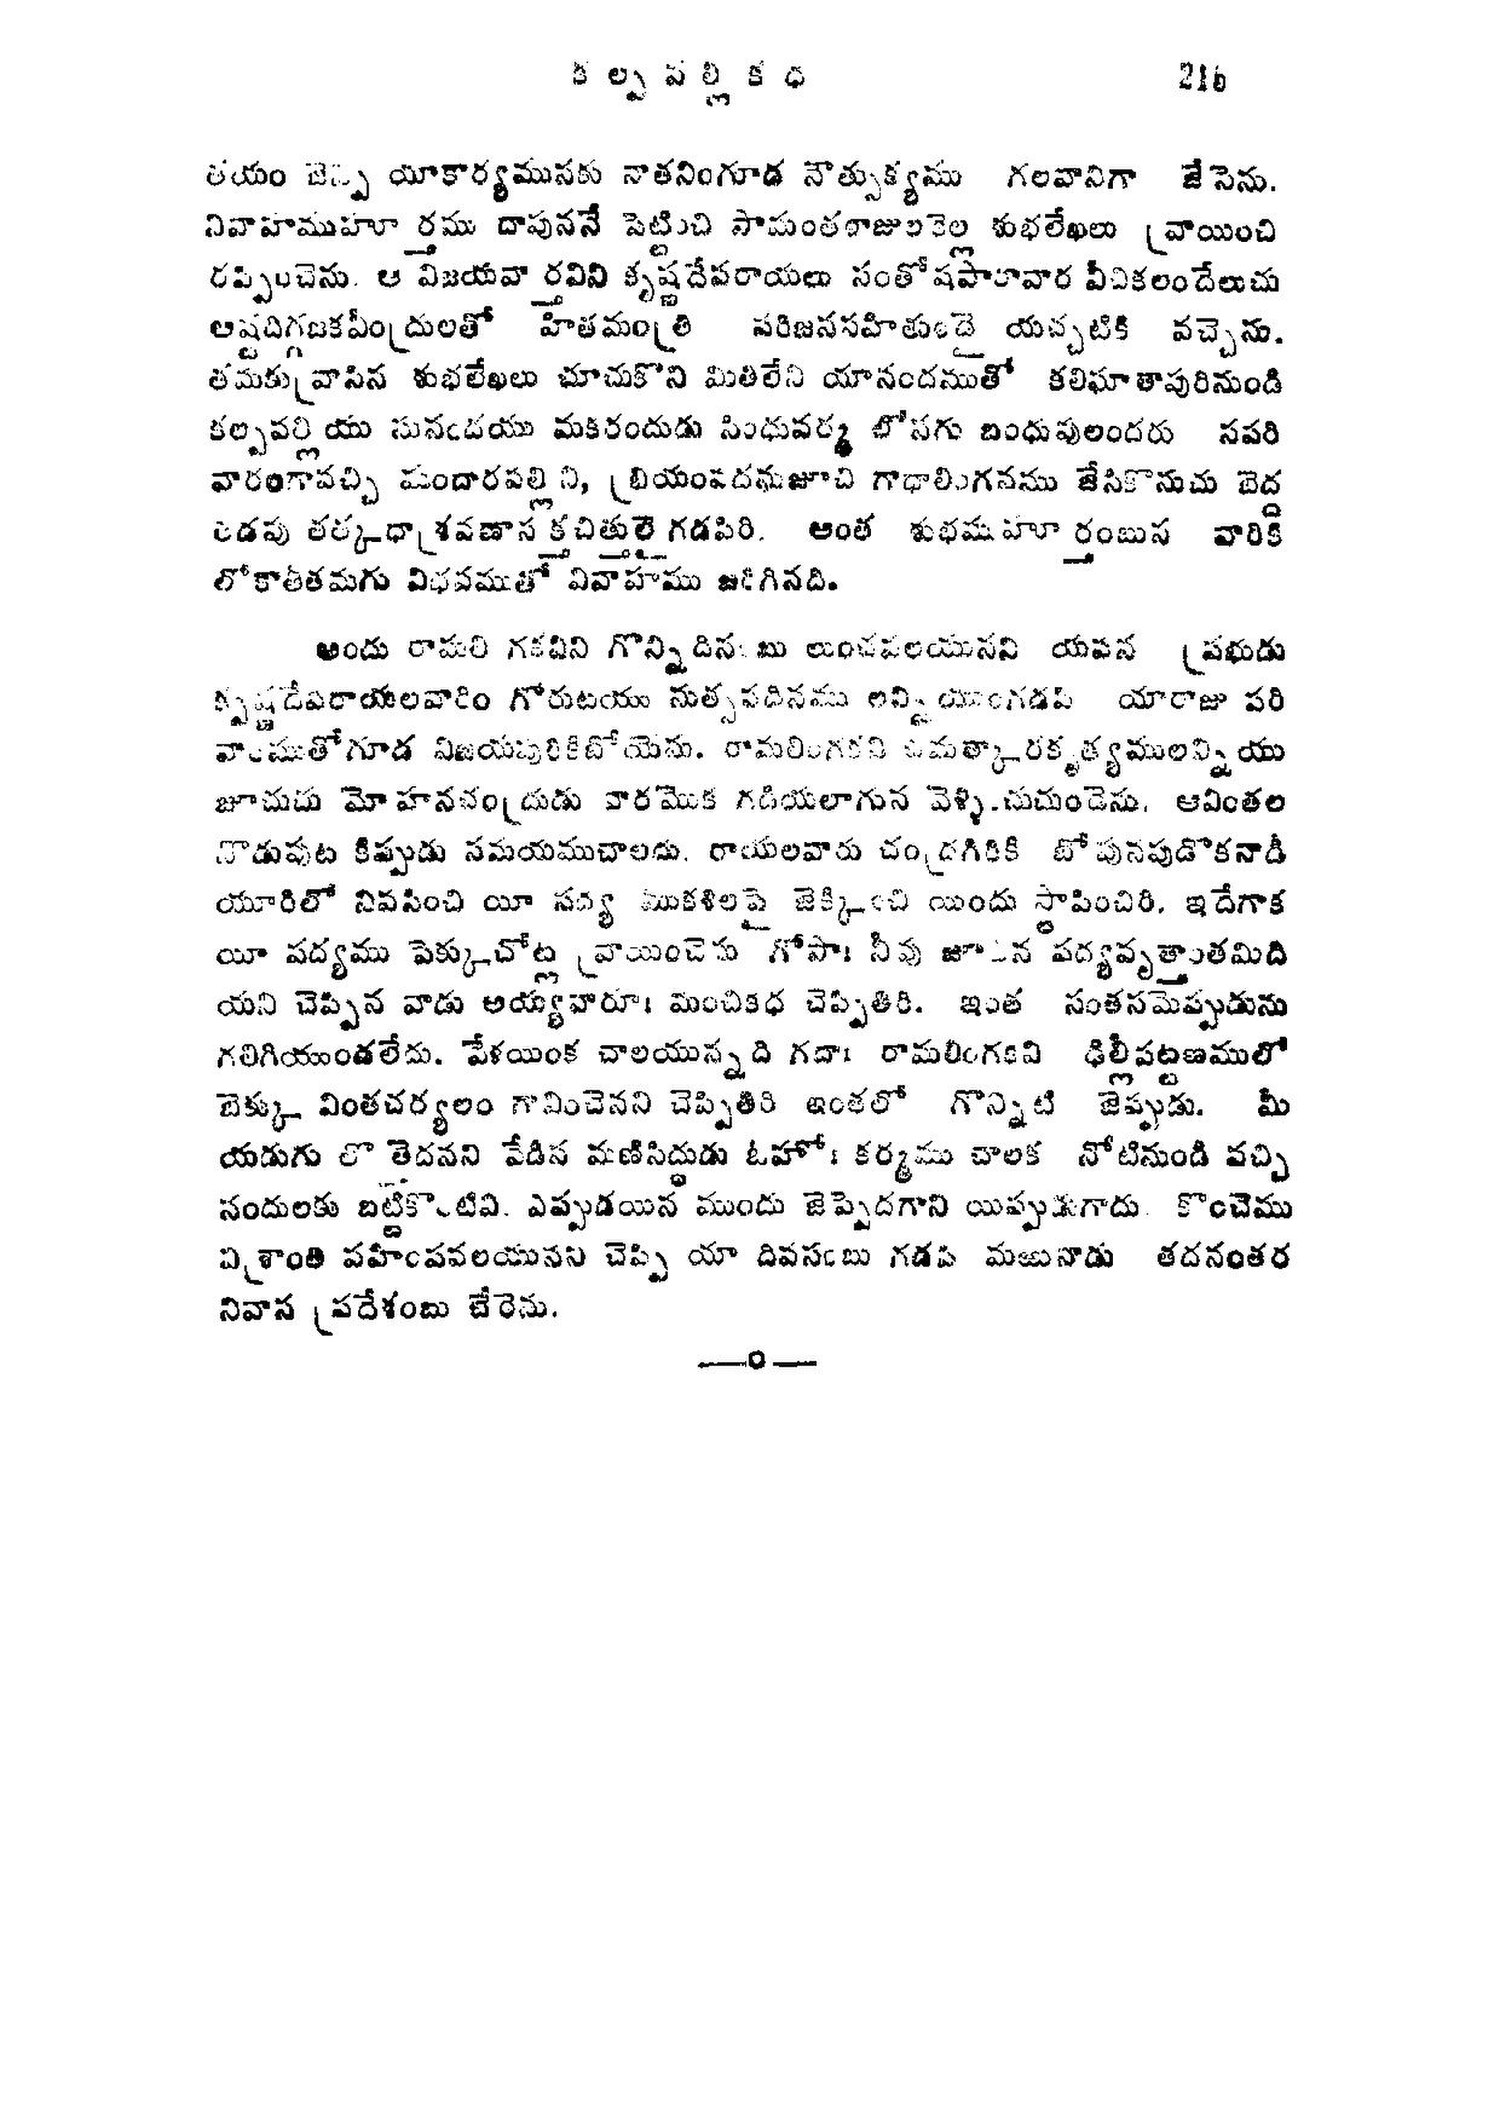తయుం జెప్పి యాకార్యమునకు నాతనింగూడ నౌత్సుక్యము గలవానిగా జేసెను. వివాహముహూర్తము దాపుననే పెట్టించి సామంతరాజులకెల్ల శుభలేఖలు వ్రాయించి రప్పించెను. ఆ విజయవార్తవివి కృష్ణదేవరాయలు సంతోషపారావారవీచికలం దేలుచు అష్టదిగ్గజకవీంద్రులతో హితమంత్రిపరిజనసహితుండై యచ్చటికి వచ్చెను. తమకువ్రాసిన శుభలేఖలు చూచుకొని మితిలేని యానందముతో కలిఘాతాపురినుండి కల్పవల్లియు సునందయు మకరందుడు సింధువర్మ లోనగు బంధువులందరు సపరివారంగా వచ్చి మందారవల్లిని, బ్రియంవదను జూచి గాఢాలింగనము జేసికొనుచు బెద్దతడవు తత్కథాశ్రవణాసక్తచిత్తులై గడపిరి. అంత శుభముహూర్తంబున వారికి లోకాతీతమగు విభవముతో వివాహము జరిగినది.

అందు రామలింగకవిని గొన్నిదినంబు లుంచవలయునని యవన ప్రభుడు కృష్ణదేవరాయలవారిం గోరుటయు నుత్సవదినము లన్నియుంగడపి యారాజు పరివారముతోగూడ విజయపురికిబోయెను. రామలింగకవి చమత్కారకృత్యములన్నియు జూచుచు మోహనచంద్రుడు వార మొకగడియలాగున వెళ్ళించుచుండెను. ఆవింతల నొడువుట కిప్పుడు సమయముచాలదు. రాయలవారు చంద్రగిరికి బోవునపు డొకనా డీయూరిలో నివసించి యీ పద్య మొకశిలపై జెక్కించి యిందు స్థాపించిరి. ఇదేగాక యీ పద్యము పెక్కుచోట్ల వ్రాయించెను గోపా! నీవు జూచిన పద్యవృత్తాంత మిది యని చెప్పిన వాడు అయ్యవారూ! మంచికథ చెప్పితిరి. ఇంత సంతసమెప్పుడును గలిగియుండలేదు. వేళయింక చాలయున్నది గదా! రామలింగకవి ఢిల్లీపట్టణములో బెక్కువింతచర్యలం గావించెనని చెప్పితిరి ఇంతలో గొన్నిటి జెప్పుడు. మీ యడుగు లొత్తెదనని వేడిన మణిసిద్ధుడు ఓహో? కర్మము చాలక నోటినుండి వచ్చినందులకు బట్టికొంటివి. ఎప్పుడయిన ముందు జెప్పెదగాని యిప్పుడుగాదు. కొంచెము విశ్రాంతి వహింపవలయునని చెప్పి యాదివసంబు గడపి మఱునాడు తదనంతరనివాసప్రదేశంబు చేరెను.